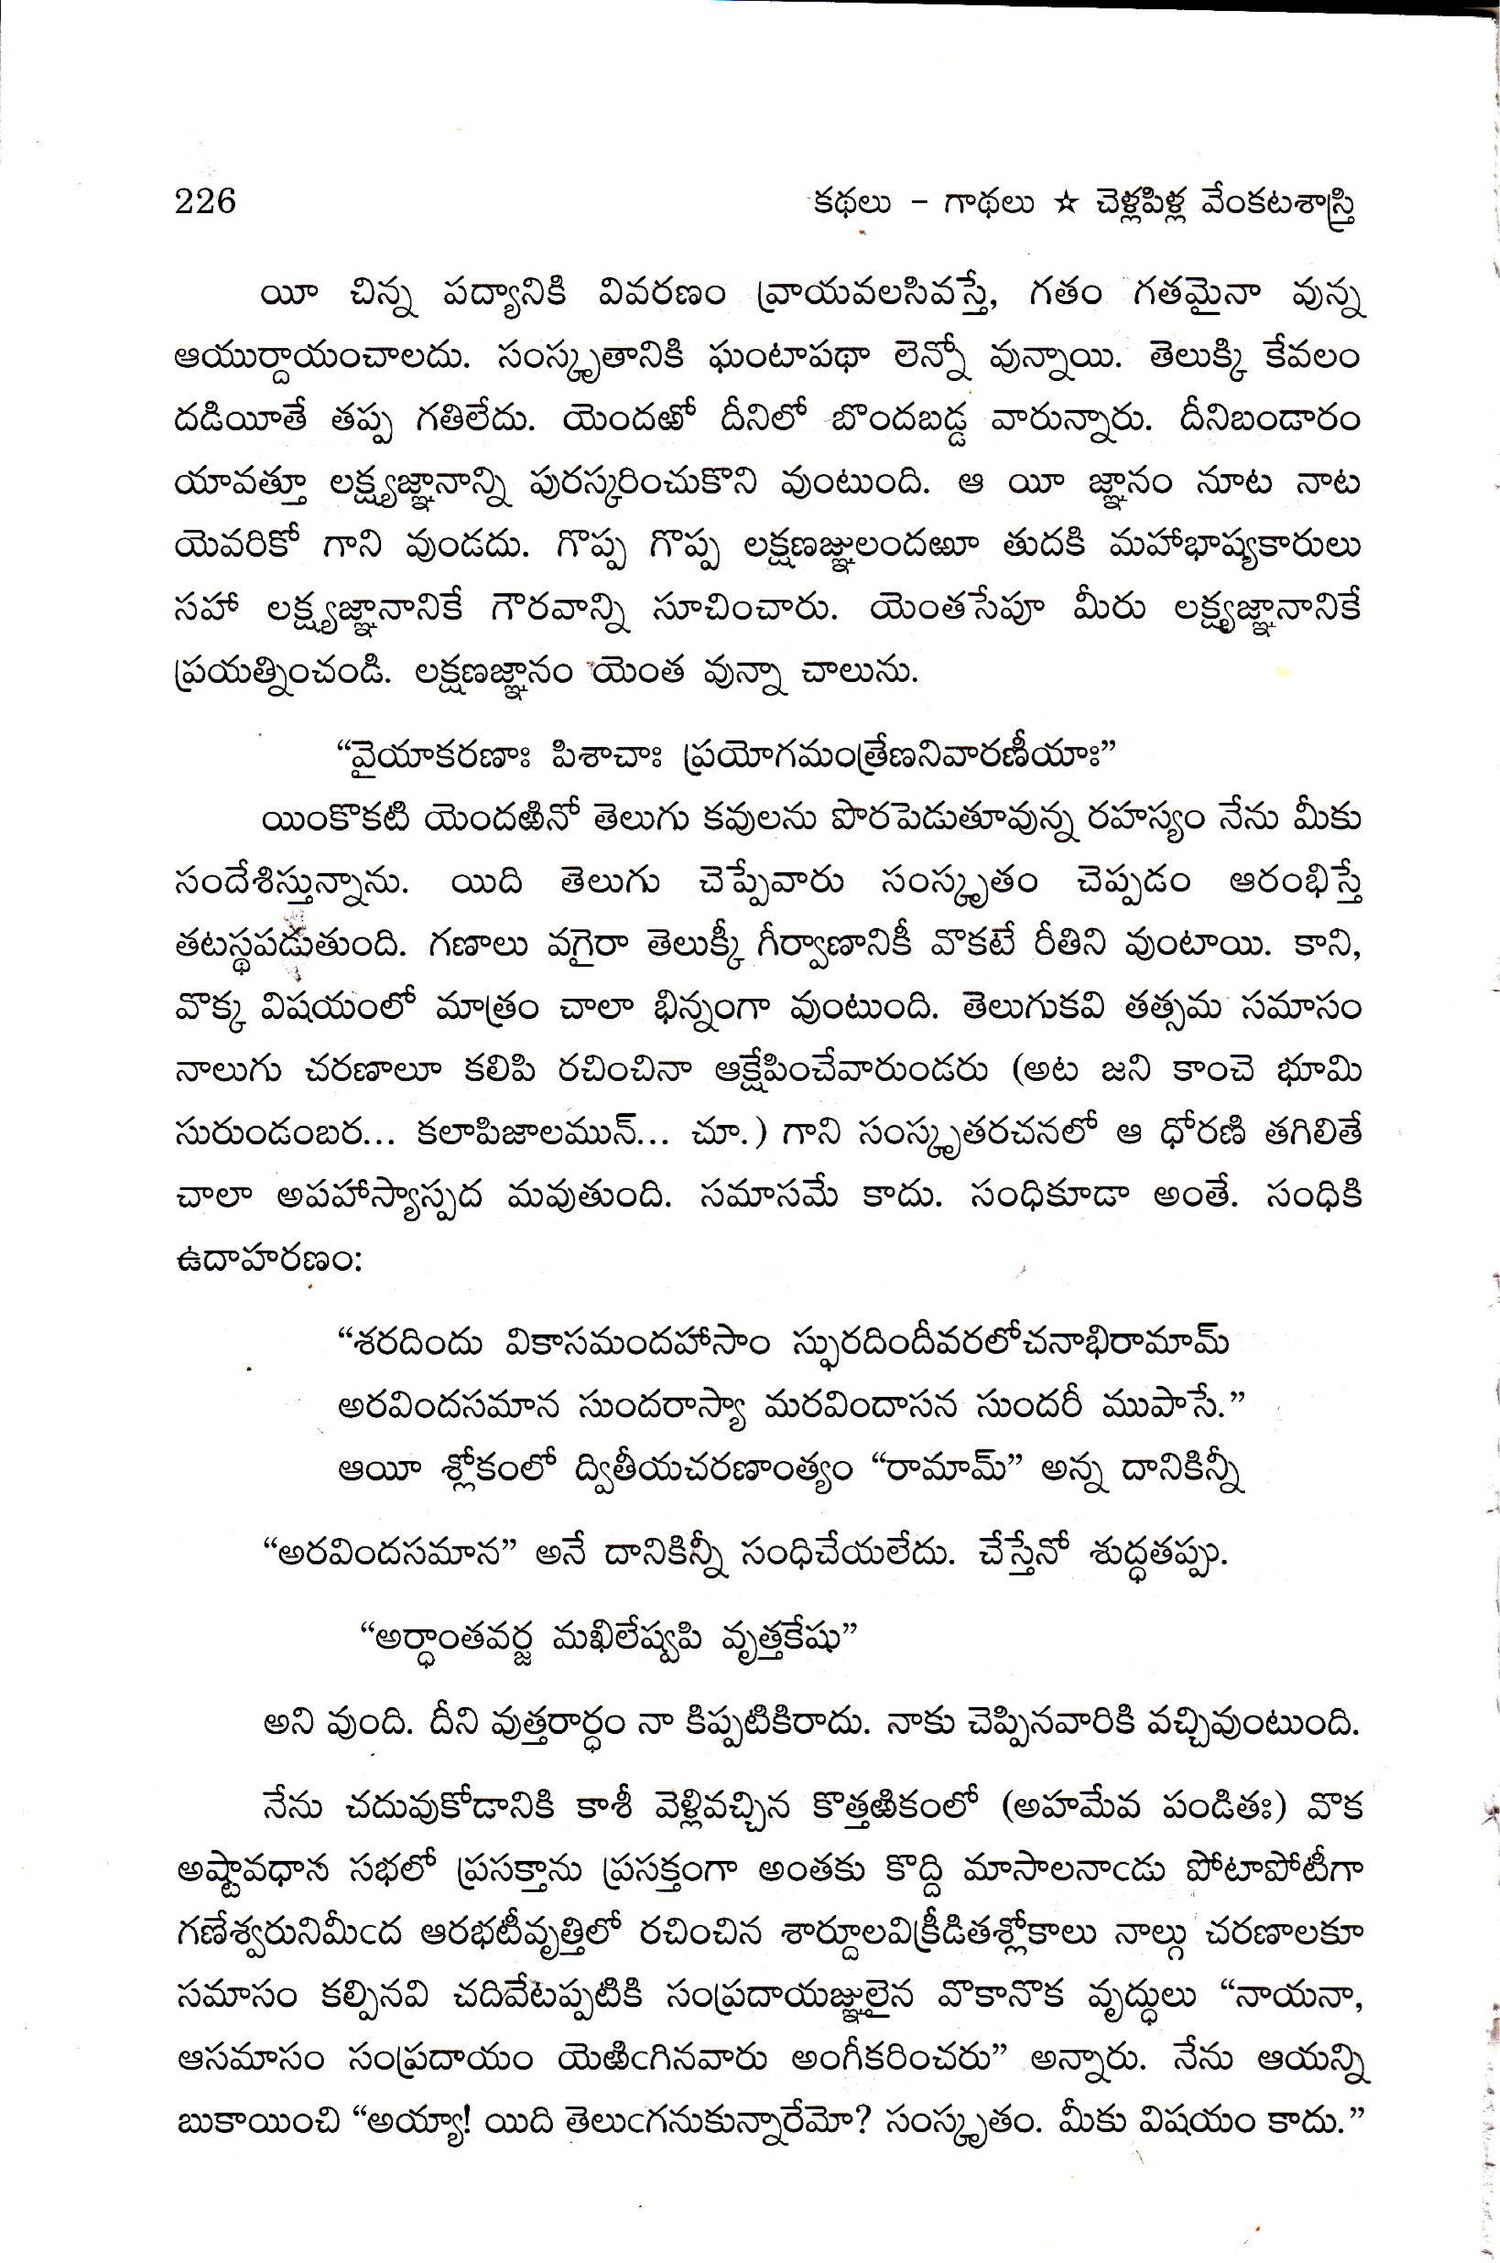యీ చిన్న పద్యానికి వివరణం వ్రాయవలసివస్తే, గతం గతమైనా వున్న ఆయుర్దాయంచాలదు. సంస్కృతానికి ఘంటాపథా లెన్నో వున్నాయి. తెలుక్కి కేవలం దడియీతే తప్ప గతిలేదు. యెందఱో దీనిలో బొందబడ్డ వారున్నారు. దీనిబండారం యావత్తూ లక్ష్యజ్ఞానాన్ని పురస్కరించుకొని వుంటుంది. ఆ యీ జ్ఞానం నూట నాట యెవరికో గాని వుండదు. గొప్ప గొప్ప లక్షణజ్ఞులందఱూ తుదకి మహాభాష్యకారులు సహా లక్ష్యజ్ఞానానికే గౌరవాన్ని సూచించారు. యెంతసేపూ మీరు లక్ష్యజ్ఞానానికే ప్రయత్నించండి. లక్షణజ్ఞానం యెంత వున్నా చాలును.

"వైయాకరణాః పిశాచాః ప్రయోగమంత్రేణనివారణీయా"
యింకొకటి యెందఱినో తెలుగు కవులను పొరపెడుతూవున్న రహస్యం నేను మీకు సందేశిస్తున్నాను. యిది తెలుగు చెప్పేవారు సంస్కృతం చెప్పడం ఆరంభిస్తే తటస్థపడుతుంది. గణాలు వగైరా తెలుక్కీ గీర్వాణానికీ వొకటే రీతిని వుంటాయి. కాని, వొక్క విషయంలో మాత్రం చాలా భిన్నంగా వుంటుంది. తెలుగుకవి తత్సమ సమాసం నాలుగు చరణాలూ కలిపి రచించినా ఆక్షేపించేవారుండరు (అట జని కాంచె భూమి సురుండంబర... కలాపిజాలమున్. చూ.) గాని సంస్కృతరచనలో ఆ ధోరణి తగిలితే చాలా అపహాస్యాస్పద మవుతుంది. సమాసమే కాదు. సంధికూడా అంతే. సంధికి
ఉదాహరణం:

"శరదిందు వికాసమందహాసాం స్ఫురదిందీవరలోచనాభిరామామ్ 
 అరవిందసమాన సుందరాస్యా మరవిందాసన సుందరీ ముపాసే.” 
 ఆయీ శ్లోకంలో ద్వితీయచరణాంత్యం "రామామ్” అన్న దానికిన్నీ

"అరవిందసమాన" అనే దానికిన్నీ సంధిచేయలేదు. చేస్తేనో శుద్ధతప్పు,

"అర్ధాంతవర్జ మఖిలేష్వపి వృత్తకేషు" 
అని వుంది. దీని వత్తరార్ధం నా కిప్పటికిరాదు. నాకు చెప్పినవారికి వచ్చివుంటుంది. 

నేను చదువుకోడానికి కాశీ వెళ్లివచ్చిన కొత్తఱికంలో (అహమేవ పండితః) వొక అష్టావధాన సభలో ప్రసక్తాను ప్రసక్తంగా అంతకు కొద్ది మాసాలనాఁడు పోటాపోటీగా గణేశ్వరునిమీఁద ఆరభటీవృత్తిలో రచించిన శార్దూలవిక్రీడితశ్లోకాలు నాల్గు చరణాలకూ సమాసం కల్పినవి చదివేటప్పటికి సంప్రదాయజ్ఞులైన వొకానొక వృద్దులు "నాయనా,
ఆసమాసం సంప్రదాయం యెఱిఁగినవారు అంగీకరించరు" అన్నారు. నేను ఆయన్ని బుకాయించి “అయ్యా! యిది తెలుఁగనుకున్నారేమో? సంస్కృతం. మీకు విషయం కాదు."